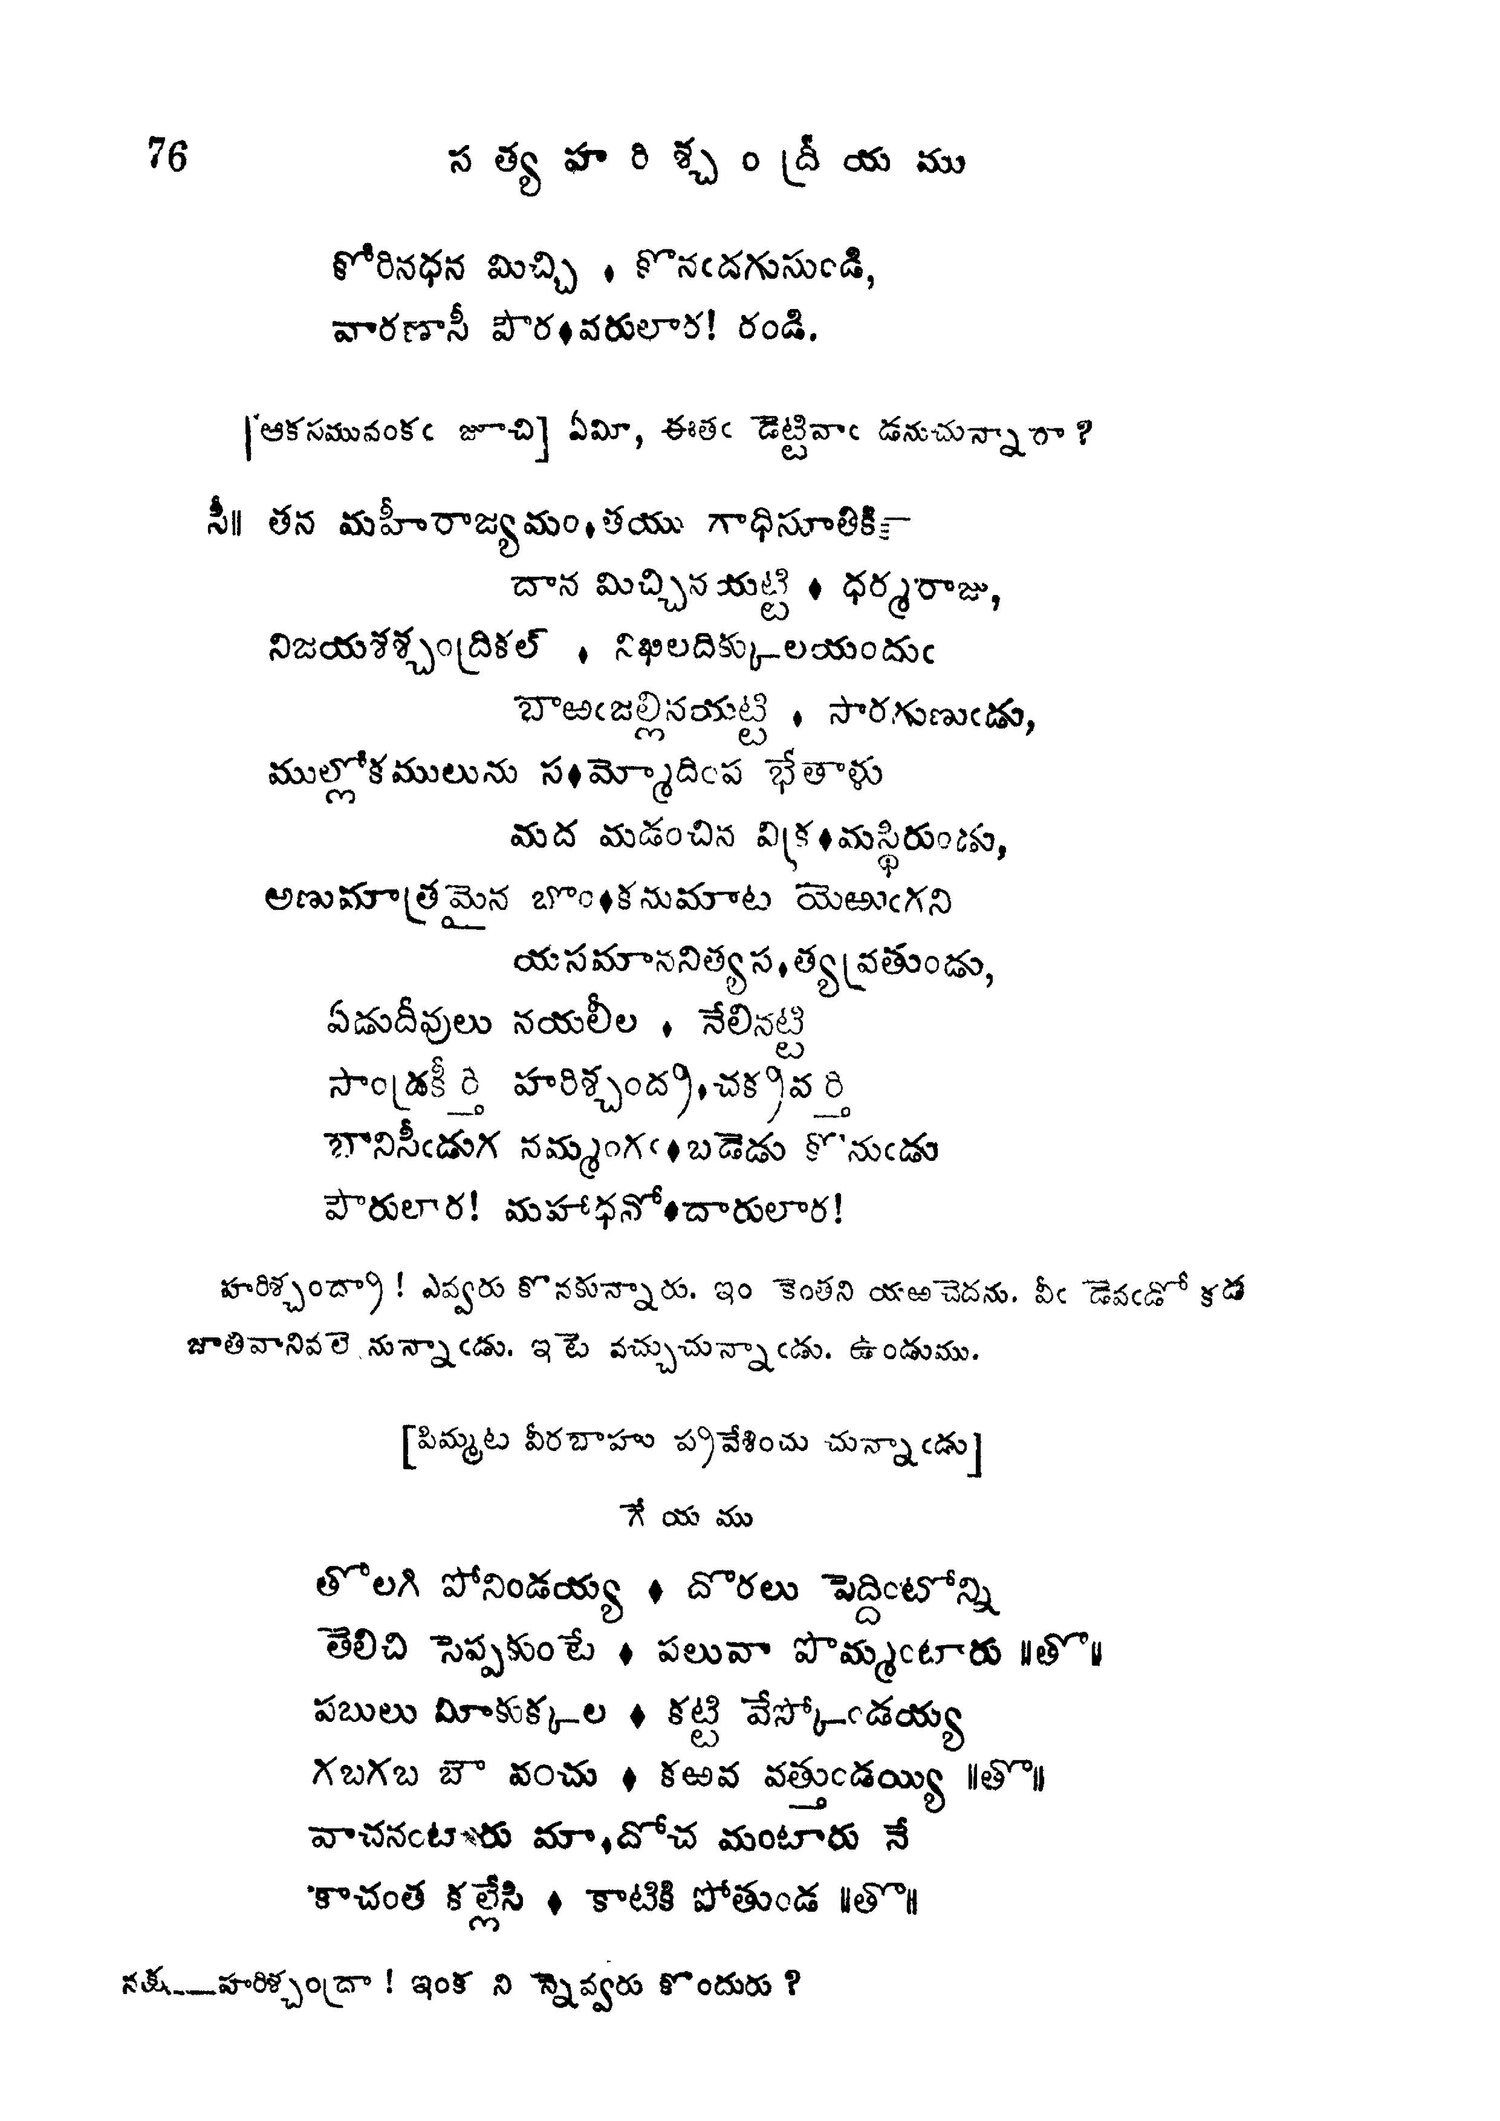కోరిన ధనమిచ్చి కొనఁ దగుసుండి
వారణాసి పౌరవరు లార రండి

(ఆకసమువంకఁ జూచి) ఏమీ! ఇతఁడెట్టి వాడఁనుచున్నారా?

సీ. 	తన మహీరాజ్యమంతయు గాధిసూతికిన్‌ దాన మిచ్చిన యట్టి ధర్మ మూర్తి
నిజ యశశ్చంద్రికల్‌ నిఖిల దిక్కులయందుఁ బాఱఁజల్లిన యట్టి సారగుణుండు
ముల్లోకములను సమ్మోదింప భేతాళు మద మడంచిన విక్రమస్థిరుండు
అణుమాత్రమైన బొంకను మాట యెఱుగని యసమాన నిత్య సత్య వ్రతుండు
గీ. 	ఏడు దీవుల నవలీల నేలినట్టి
సాంద్ర కీర్తి హరిశ్చంద్ర చక్రవర్తి
బానిసీడుగ నమ్మంగఁ బడెడు కొనుఁడు
పౌరులార మహాధనోదారులార

హరి: 	ఎవరు కొనకున్నారు. ఇంకెంతని యఱిచెదరు? వీఁడెవఁడో కడజాతి వానివలె నున్నాఁడు. ఇటె వచ్చుచున్నాఁడు. ఉండుము.

(పిమ్మట వీర బాహు ప్రవేశించుచున్నాఁడు)
వీరబాహు: 	(గేయము)

తొలగిపోనిండయ్య! దొరలు పెద్దింటోణ్ణి
తెరచి చెప్పకుంటే పలువ పొమ్మంటారు ॥తొ॥
పబులు మీకుక్కల కట్టి వేస్కోండయ్యా ॥తొ॥
గబగబ బౌవంచు కఱవ వత్తుండయ్యా
వాదనంటారు సూదోచ మంటారు నే
కాచంత కల్లేసి కాటికి పోతుండ ॥తొ॥

నక్ష: 	హరిశ్చంద్రా! ఇంక నిన్నెవ్వరు కొందురు?